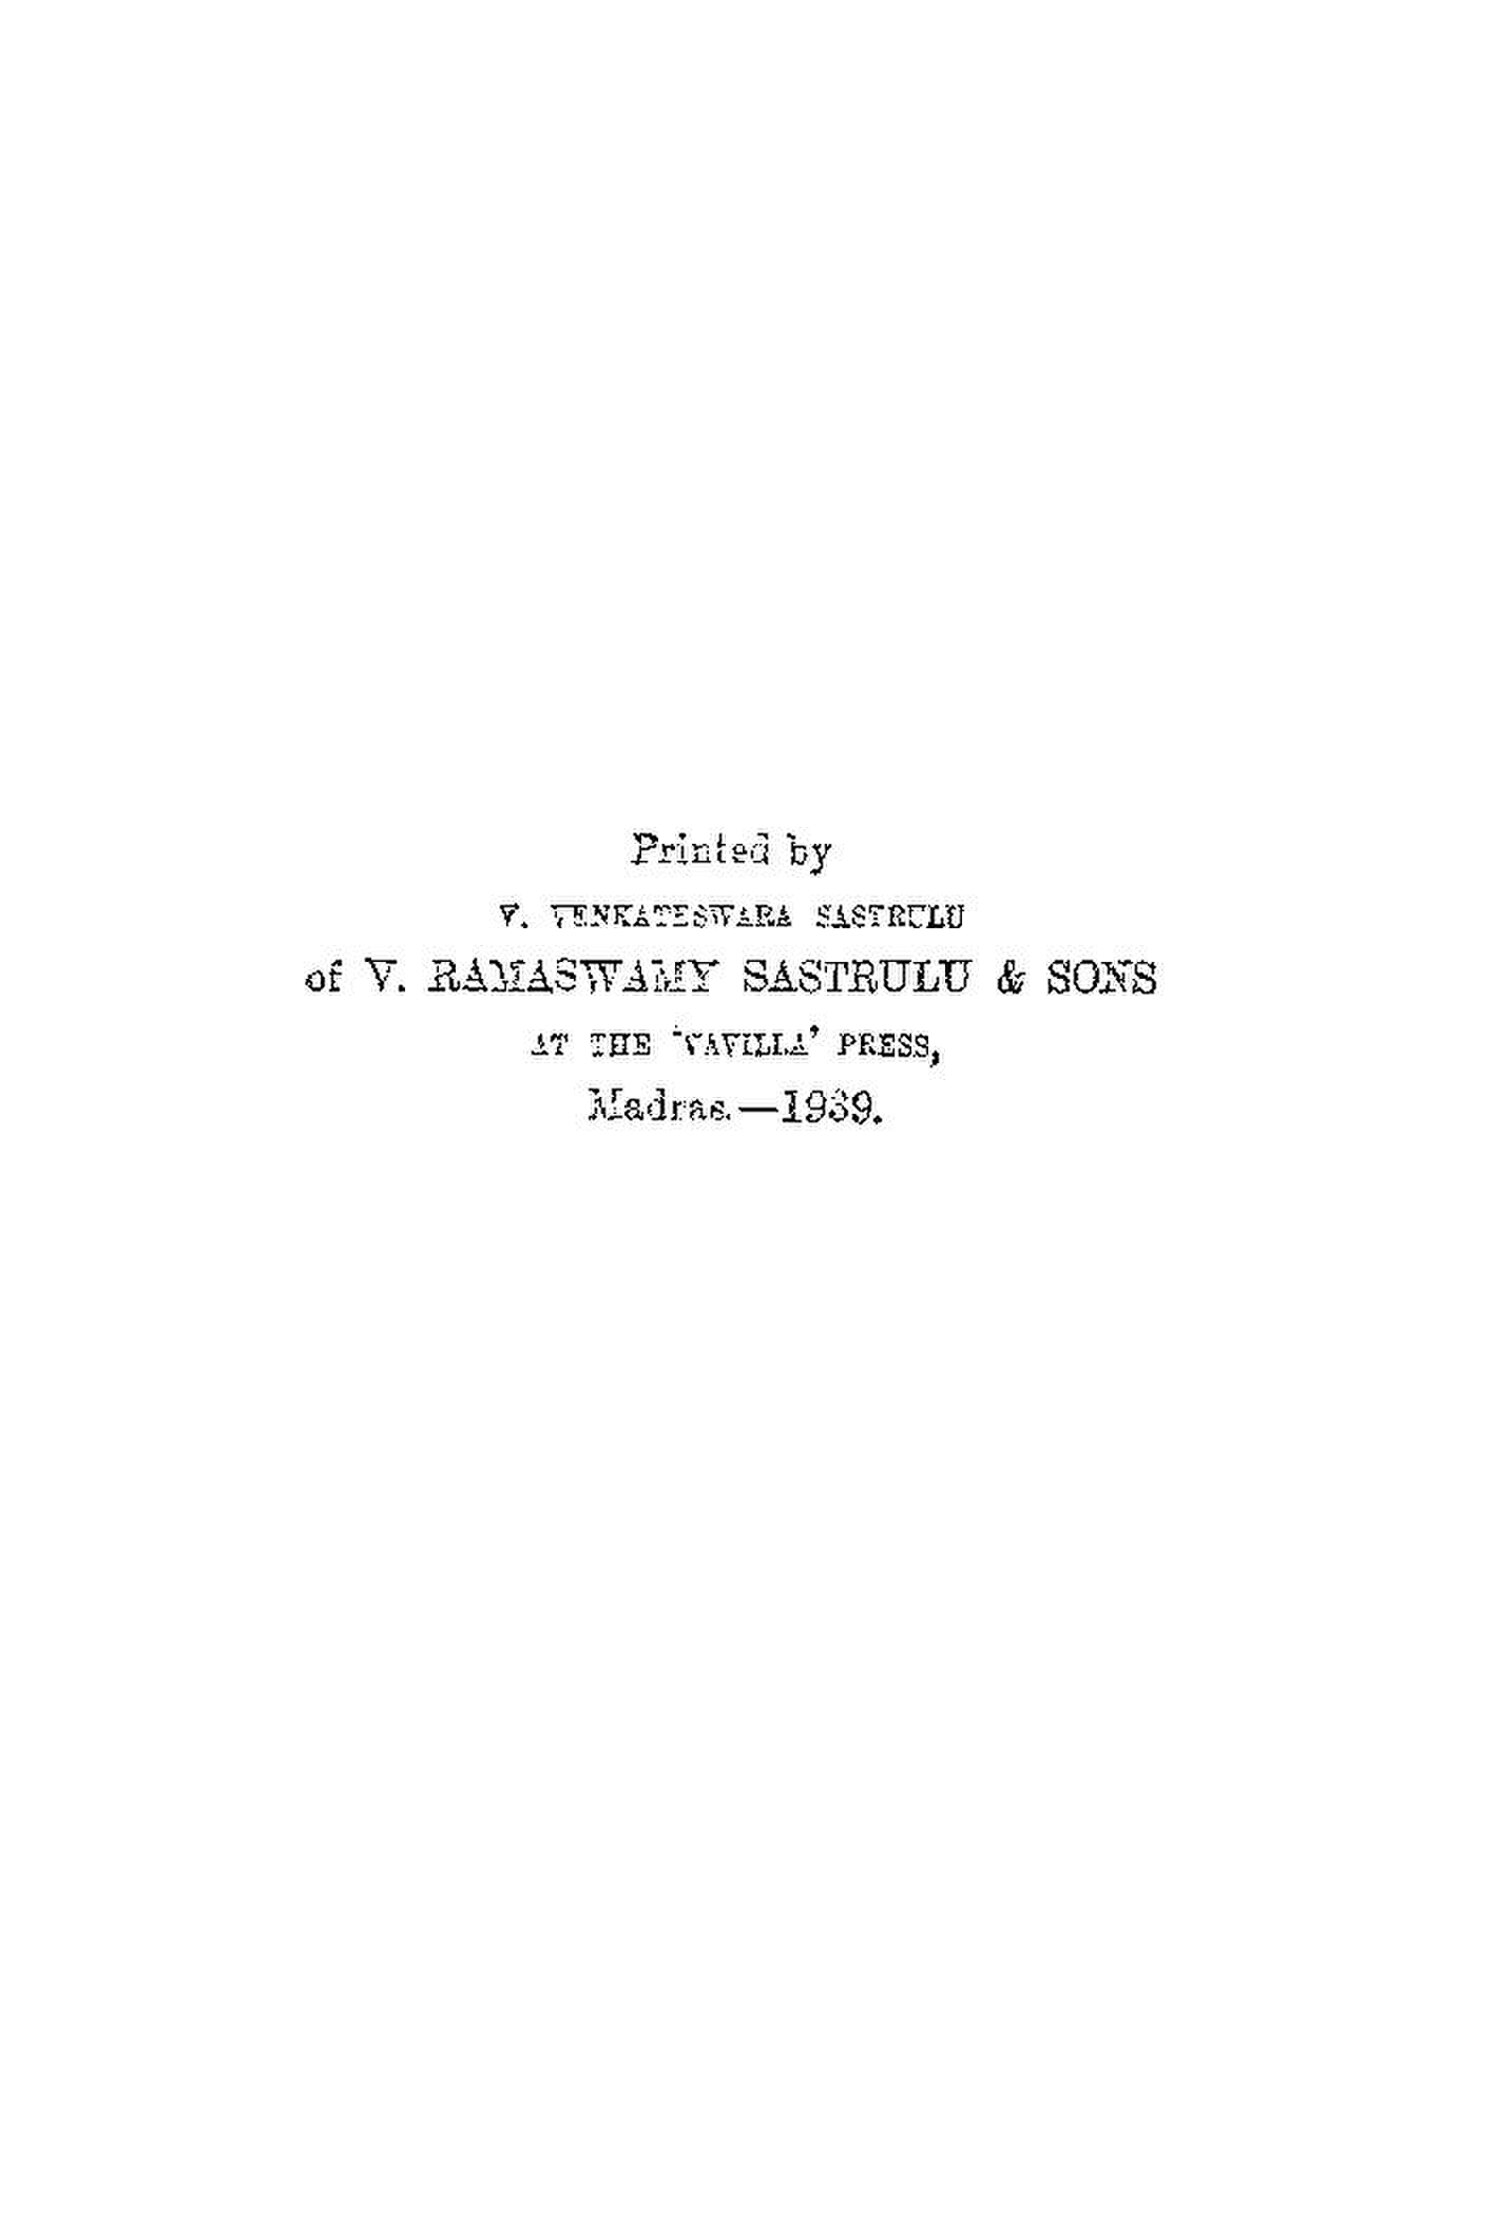Printed by
V. VENKATESWARA SASTRULU
of V. RAMASWAMY SASTRULU & SONS
AT THE 'VAVILLA' PRESS,
Madras - 1939